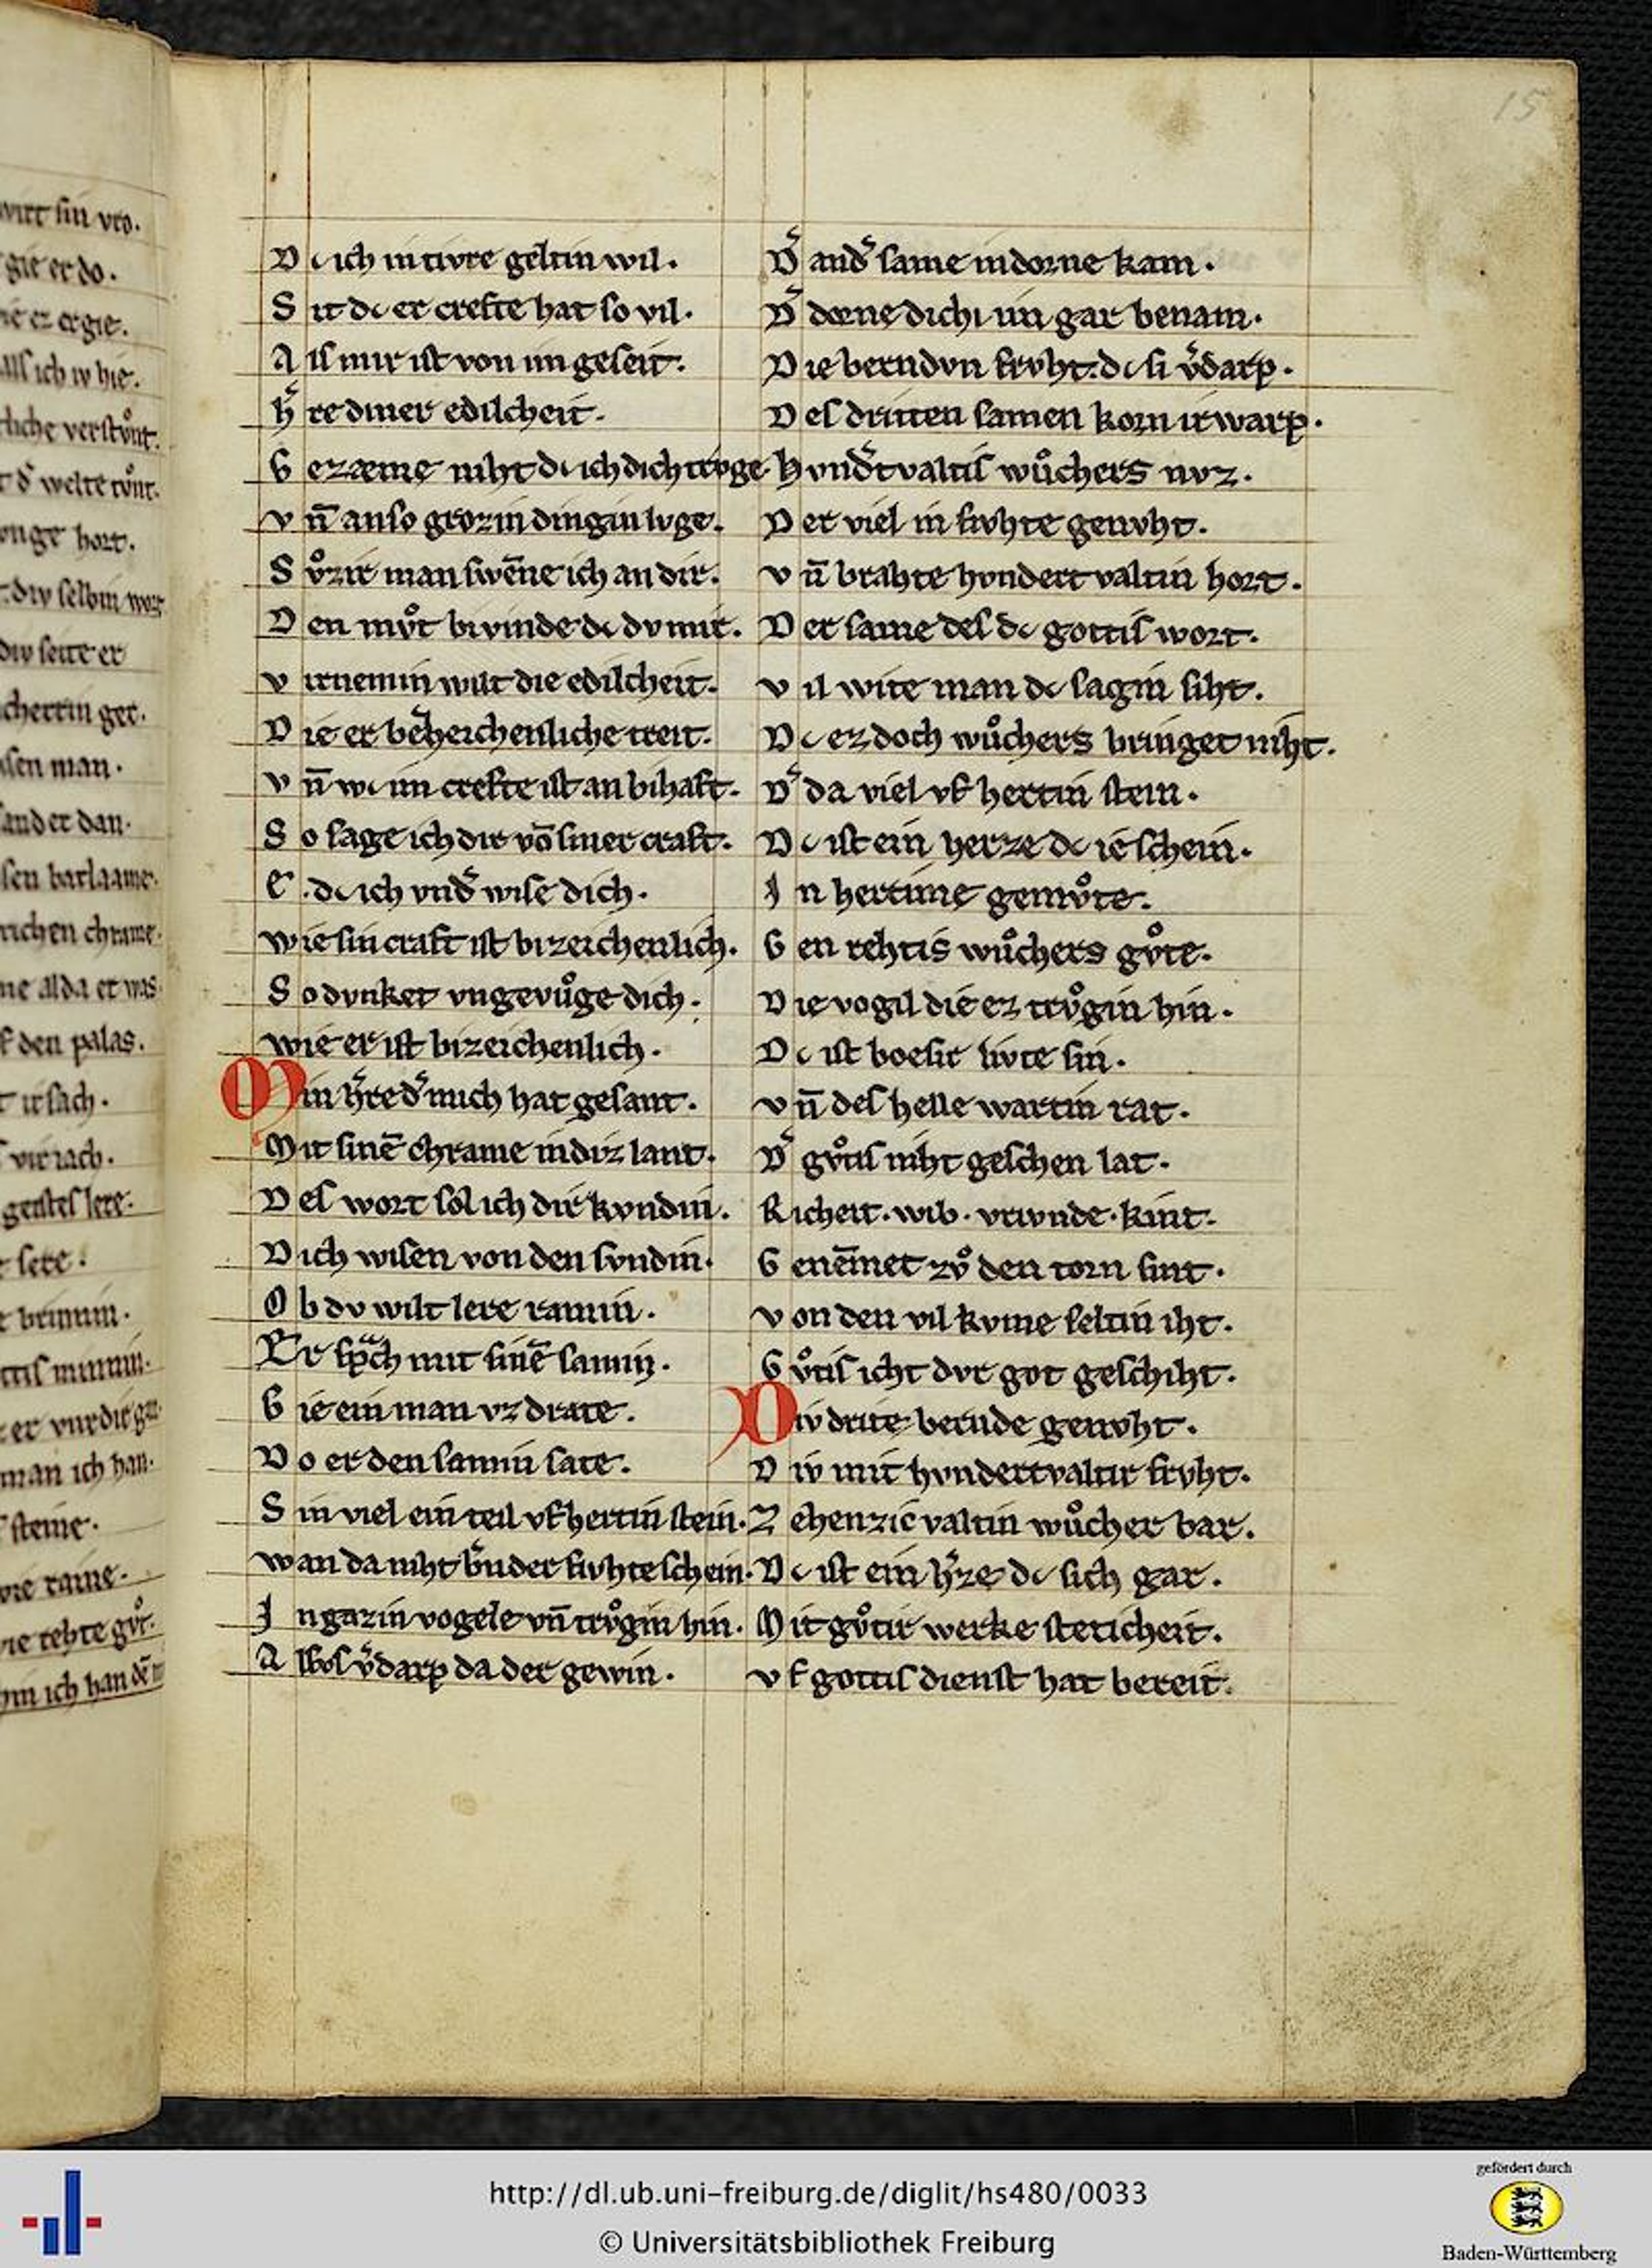D(az) ich in tivre geltin wil.
Sit d(az) er crefte hat ſo vil.
Alſ mir iſt von im geſeit.
H(er)re diner edilcheit.
Gez[ae]me niht d(az) ich dich trvge.
Vn(d) anſo grozin dingin lvge.
Sv°ozir man ſwe(n)ne ich an dir.
Den mv°ot bivinde d(az) dv mir.
Virnemin wilt die edilcheit.
Die er be?eichenliche treit.
Vn(d) w(az) im crefte iſt an bihaft.
So ſage ich dir vo(n) ſiner craft.
E. d(az) ich vnd(er) wiſe dich.
Wie ſin craft iſt bizeichenlich.
So dvnket vngevu°oge dich.
Wie er iſt bizeichenlich.
*Min h(er)re d(er) mich hat geſant.
Mit ſine(m) chrame indiz lant.
Deſ wort ſol ich dir kvndin.
Dich wiſen von den ſvndin.
Ob dv wilt lere ramin.
Er ſp(ra)ch mit ſine(m) ſamin.
Gie ein man vz drate.
Do er den ſamin ſate.
Sin viel ein teil vf hertin ſtein.
Wan da niht b(er)nder fivhte ſchein.
In gazin vogele vn(d) trv°ogin hin.
Alſvſ v(er)darp da der gewin.
D(er) and(er) ſame in dorne kam.
D(er) dorne dichi im gar benam.
Die berndvn frvht. d(az) ſi v(er)darp.
Deſ dritten ſamen korn irwarp.
Hvnd(er)tvatliſ wu°ochers nvz.
Der viel in fivhte genvht.
Vn(d) brahte hvndert valtin hort.
Der ſame deſ d(az) gottiſ wort.
Vil wite man d(az) ſagin ſiht.
D(az) ez doch wu°ochers bringet niht.
D(er) da viel vf hertin ſtein.
D(az) iſt ein herze d(az) ie ſchein.
In hertime gemv°ote.
Gen rehtis wu°ochers gv°ote.
Die vogel die ez trv°ogin hin.
D(az) iſt boeſir livte ſin.
Vn(d) deſ helle wartin rat.
D(er) gv°otiſ niht geſchen lat.
Richeit. wib. vrivnde. kint.
Gene(m)met zv°o den torn ſint.
Von den vil kvme ſeltin iht.
Gv°otiſ icht dvr got geſchiht.
*D(iv) drite bernde genvht.
Div mit hvndertvaltir frvht.
Zehenzic valtin wu°ocher bar.
D(az) iſt ein h(er)ze d(az) ſich gar.
Mit gv°otir werke ſteticheit.
Vf gottiſ dienſt hat bereit.